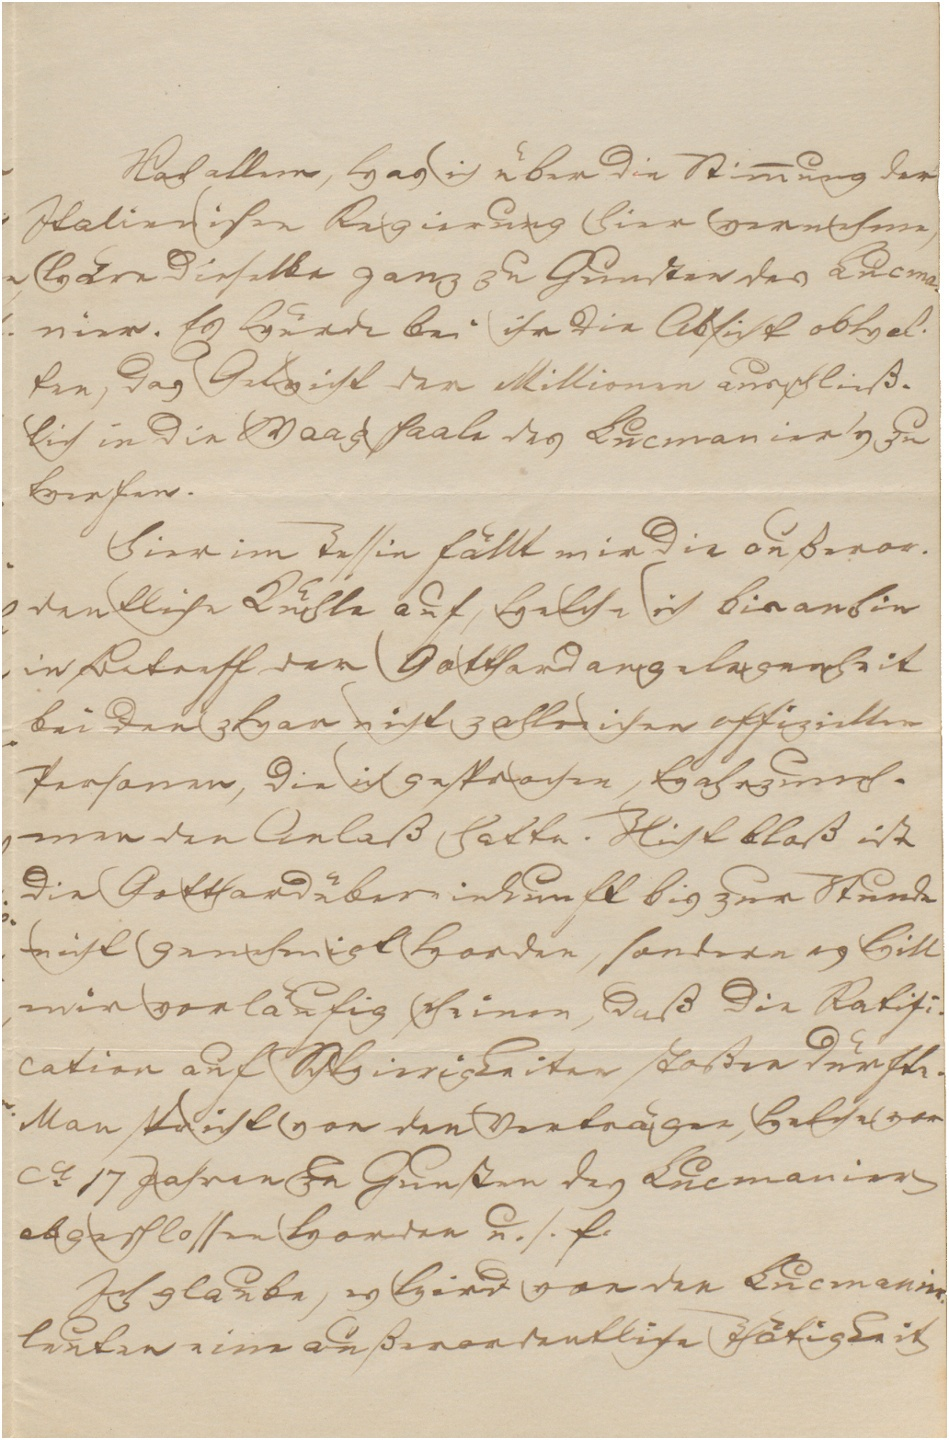Nach allem, was ich über die Stimmung der
Italienischen Regierung hier vernehme,
wäre dieselbe ganz zu Gunsten des Lucma-
nier. Es würde bei ihr die Absicht obwal-
ten, das Gewicht der Millionen auschließ-
lich in die Waagschaale des Lucmanier's zu
werfen.
Hier im Tessin fällt mir die außeror-
dentliche Kühle auf, welche ich bisanhin
in Betreff der Gotthardangelegenheit
bei den zwar nicht zahlreichen offiziellen
Personen, die ich gesprochen, wahrzuneh-
men den Anlaß hatte. Nicht bloß ist
die Gotthardübereinkunft bis zur Stunde
nicht genehmigt worden, sondern es will
mir vorläufig scheinen, daß die Ratifi-
cation auf Schwierigkeiten stoßen dürfte.
Man spricht von den Verträgen, welche vor
ca 17 Jahren zu Gunsten des Lucmanier
abgeschlossen worden u. s. f.
Ich glaube, es wird von den Lucmanier -
leuten eine außerordentliche Thätigkeit